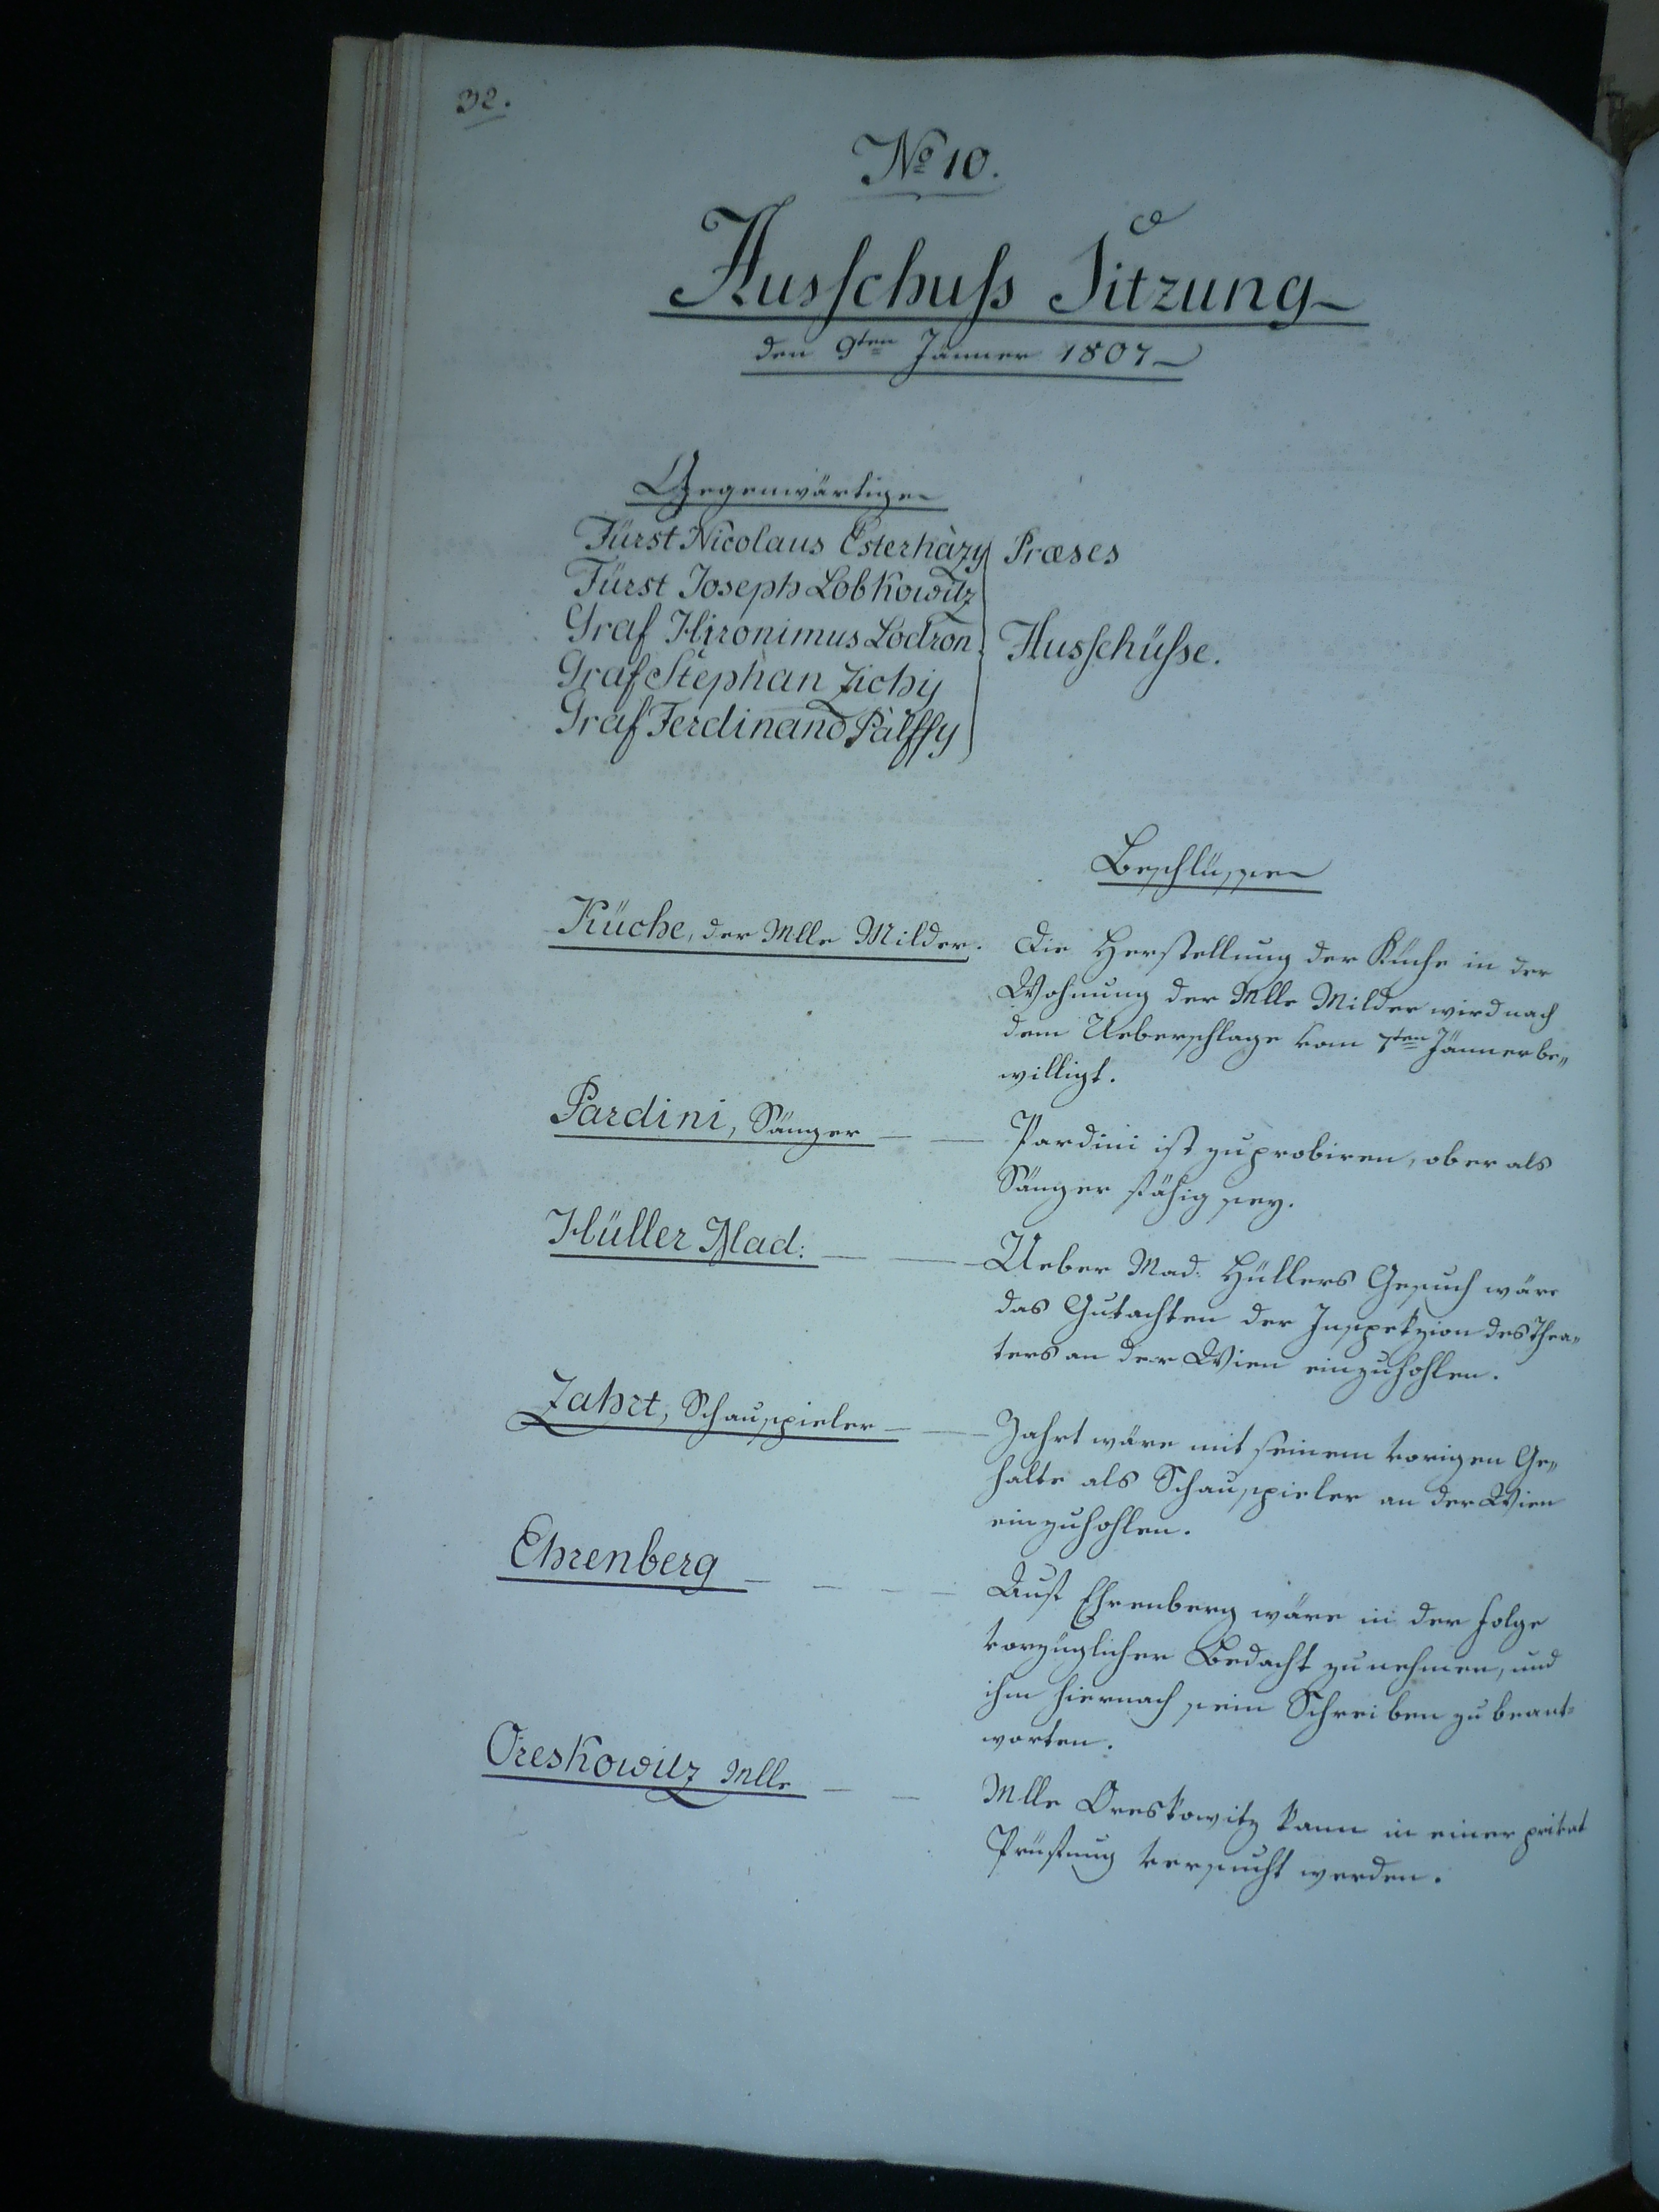32.
No͇ 10.
Ausschuss Sitzung
den 9te͇n Jänner 1807
Gegenwärtige
Fürst Nicolaus Esterhàzy Præses
Fürst Joseph Lobkowitz
Graf Hironimus Lodron
Graf Stephan Zichy
Graf Ferdinand Pàlffy
Ausschüsse.
Beschlüsse
Küche, der Mlle Milder. Die Herstellung der Küche in der
Wohnung der Mlle Milder wird nach
dem Ueberschlage vom 7te͇n Jänner be¬
willigt.
Pardini, Sänger _ _ Pardini ist zuprobiren, ob er als
Sänger fähig sey.
Hüller Mad: _ __ _ Ueber Mad: Hüllers Gesuch wäre
das Gutachten der Inspekzion des Thea¬
ters an der Wien einzuhohlen.
Zahrt, Schauspieler _ __ _ Zahrt wäre mit seinem vorigen Ge¬
halte als Schauspieler an der Wien
einzuhohlen.
Ehrenberg _ _ _ _ Auf Ehrenberg wäre in der Folge
vorzüglicher Bedacht zunehmen, und
ihm hirnach sein Schreiben zu beant¬
worten.
Oreskowitz Mlle _ _ Mlle Oreskowitz kann in einer privat
Prüfung versucht werden.